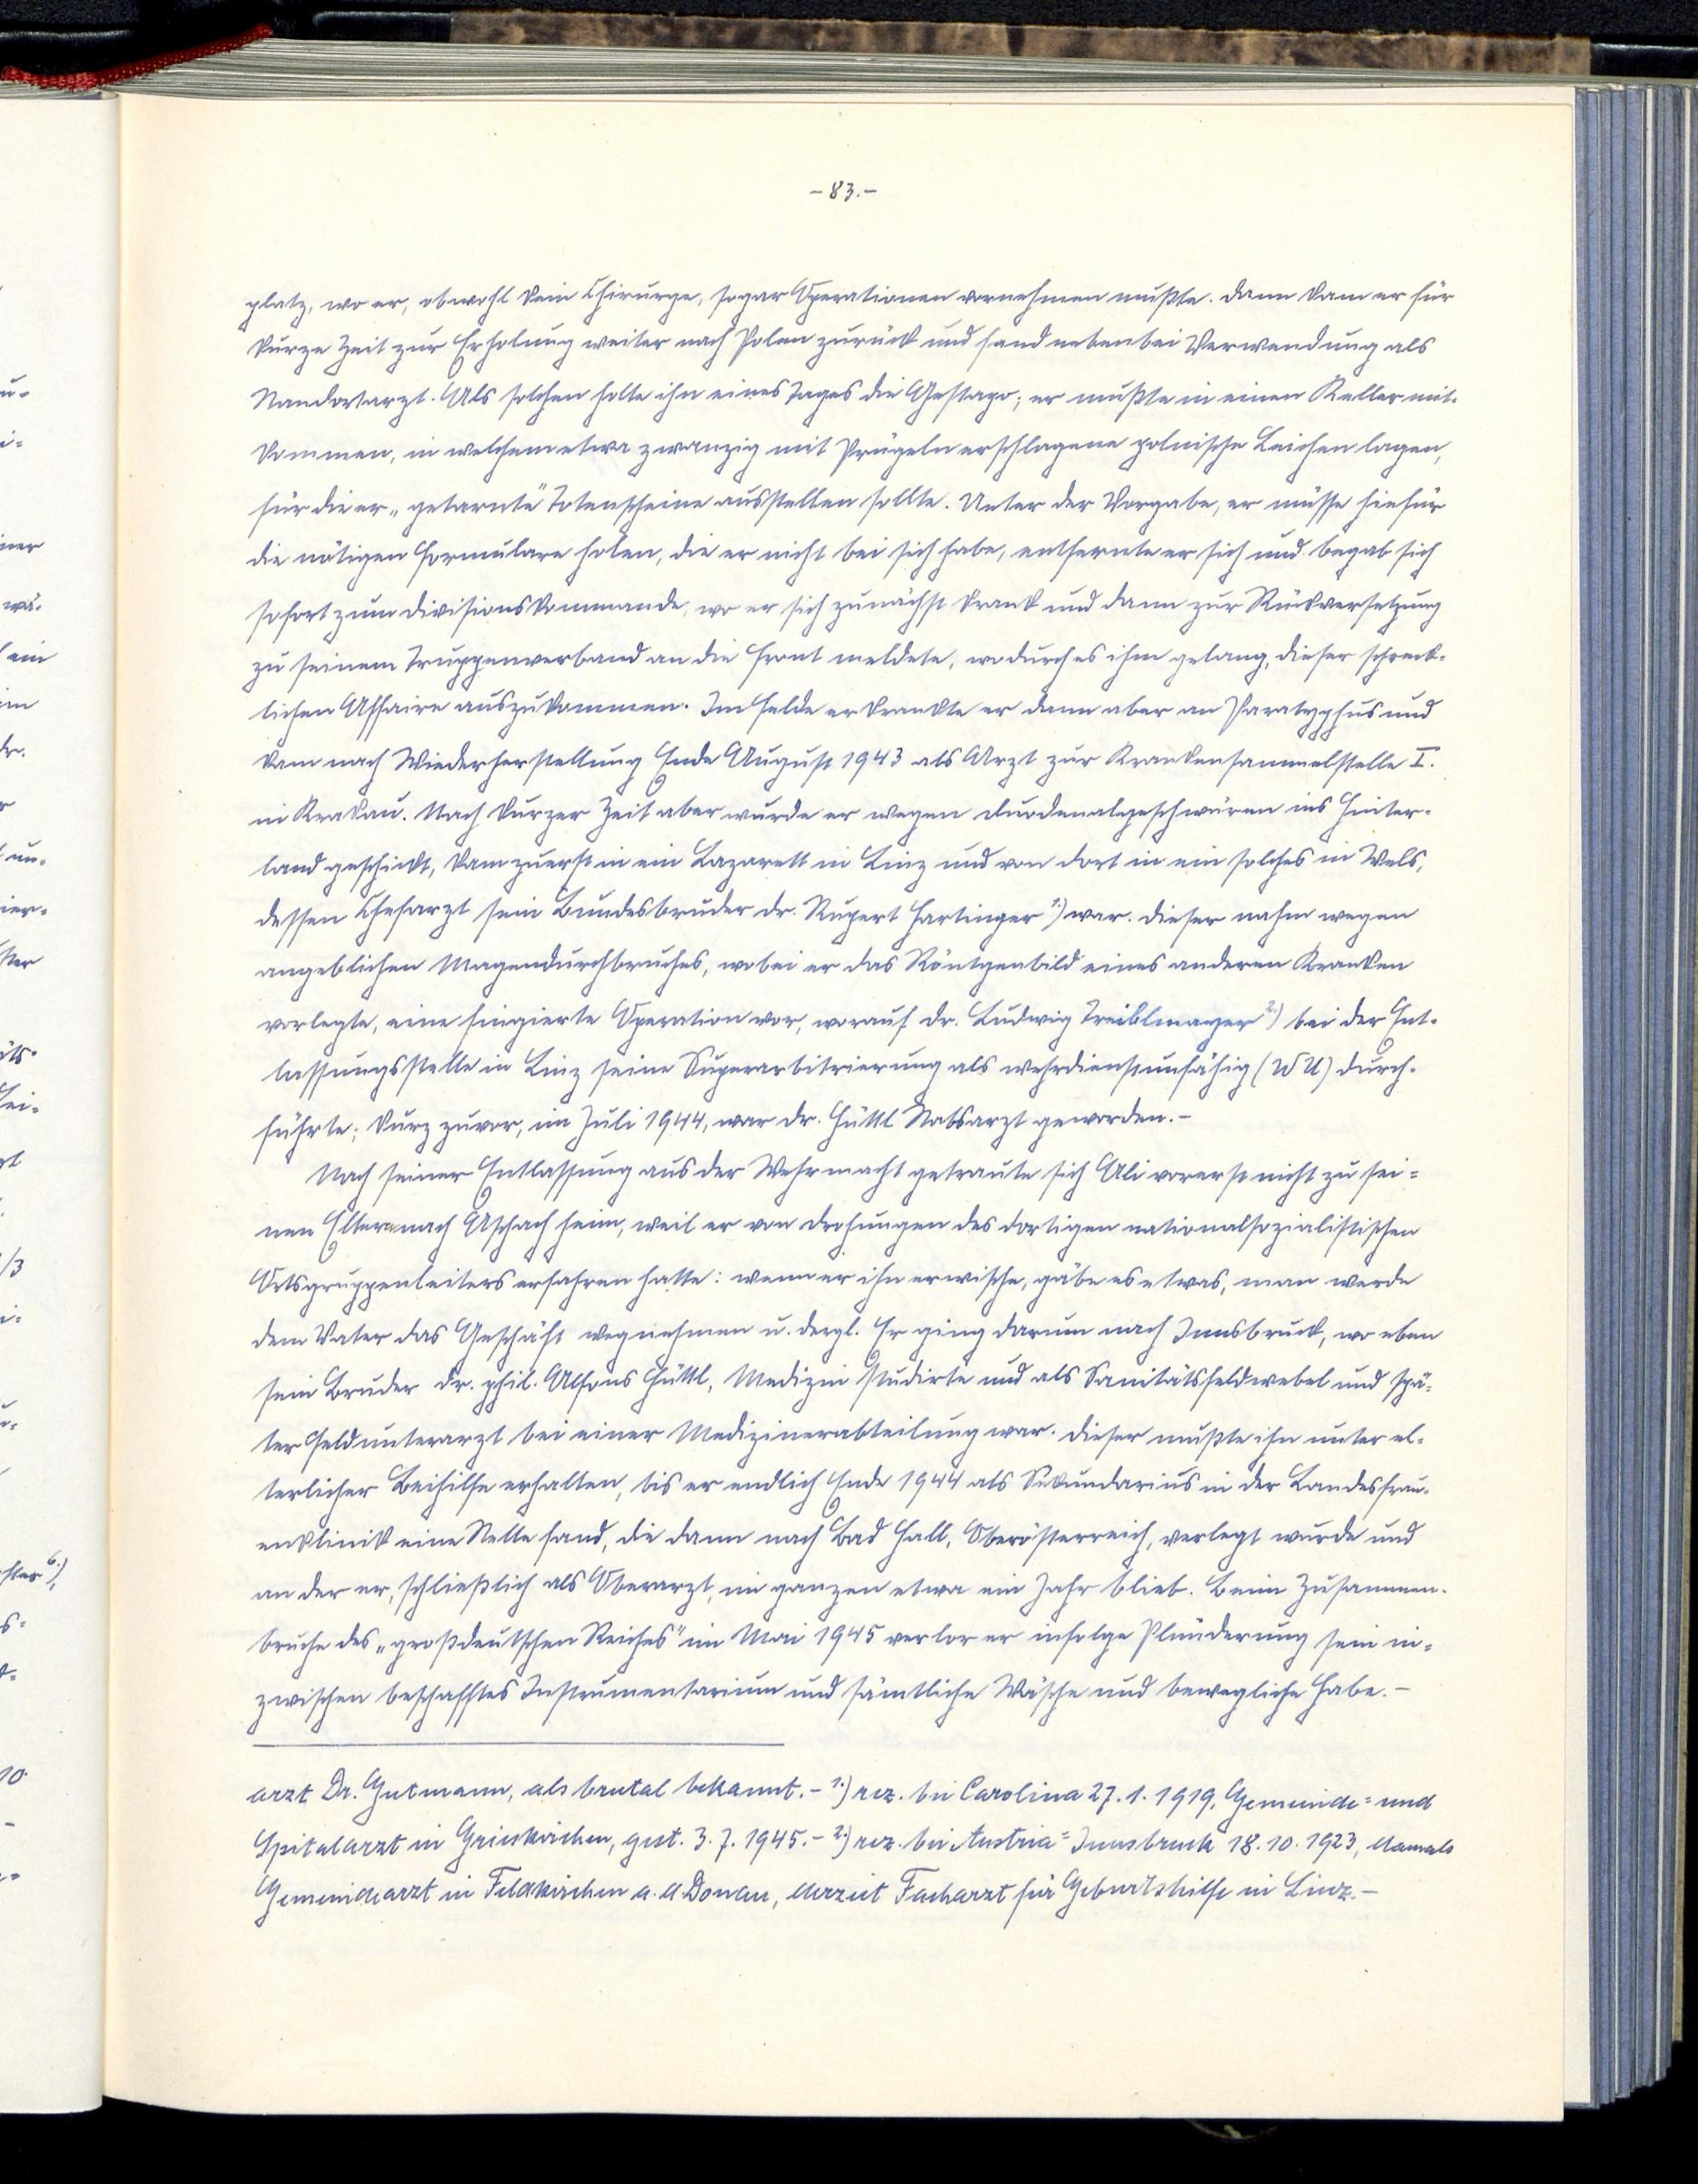83.
glatz, wo er, obwohl kein Chirurge, sogar Oerationen vornehmen musste. Dann kam er für
kurze Zeit zur Erholung weiter nach Polen zurück und fand nebenbei Verwendung als
Standortarzt. Als solchen holte ihn eines Tages die Gestapo; er muste in einen Keller mit-
kommen, in welchem etwa zwanzig mit Prügeln erschlagene polnische Leichen lagen,
für die er getarnte Totenscheine ausstellen sollte. Unter der Vorgabe, er müsse hiefür
die nötigen Formulare holen, die er nicht bei sich habe, entfernte er sich und begab sich
sofort zum Divisionskommando, wo er sich zunächst krank und dann zur Rückversetzung
zu seinem Truppenerband an die Front meldete, wo durch es ihm gelang, dieser schreck-
lichen Affaire auszukommen- Im Felde erkrankte er dann aber an Paratyphus und
kam nach Wiederherstellung Ende August 1943 als Arzt zur Krankensammelstelle I.
in Krakau. Nach kurzer Zeit aber wurde er wegen Duodenalegeschwüren ins Hinter-
land geschickt, kam zuerst in ein Lazarett in Linz und von dort in ein solches in Wels,
dessen Chefarzt sein Bundesbruder Dr. Rupert Hartinger war. Dieser nahm wegen
angeblichen Magendurchbruches, wobei er das Röntgenbild eines anderen Kranken
vorlegte, eine fingierte Oeration vor, worauf Dr. Ludwig Treiblmayer 2) bei der Ent-
lassungsstelle in Linz seine Superarbitrierung als wehrdienstunfähig (WU) durch-
führte; Kurz zuvor, im Juli 19414, war Dr. Hüttl Stabsarzt geworden.
Nach seiner Entlassung aus der Wehrmacht getraute sich Ali vorerst nicht zu sei-
nen Eltern nach Aschach heim, weil er von Drohungen des dortigen nationalsozialistischen
Ortsgruppenleiters erfahren hatte: wenn er ihn erwische, gäbe es etwas, man werde
dem Vater das Geschäft wegnehmen u. degl. Er ging darum nach Innsbruck, wo eben
sein Bruder Dr. phil. Alfons Hüttl, Medizin studirte und als Sanitätsfeldwebel und spä-
ter Feldunterarzt ber einer Medizinerabteilung war. Dieser mußte ihn unter el-
terlicher Beihilfe erhalten, bis er endlich Ende1944 als Sekundarius in der Landesfaru-
enklinik eine Stelle fand, die ihn dann nach Bad Hall, Oberösterreich, verlegt wurde und
an der er schließlich als Obearzt, im ganzen etwa ein Jahr blieb. Bein Zusammen-
bruche des großdeutschen Reiches im Mai 1945 verlor er infolge Plünderung sein in-
zwischen beschafftes Instrumentarium und sämtliche Wäsche und bewegliche Habe.
arzt Dr. Gutmann, als brutal bekannt. - 2) rez. bei Carolina 27. 1.1929, Gemeinde- und
Spitalarzt in Grieskirchen, gest. 3.7.1945. - 2) rez. bei Austria- Innsbruck 18.10.1923, damals
Gemeindearzt in Feldkichen a.d Donau, derzeit Facharzt für Geburtshilfe in Linz.